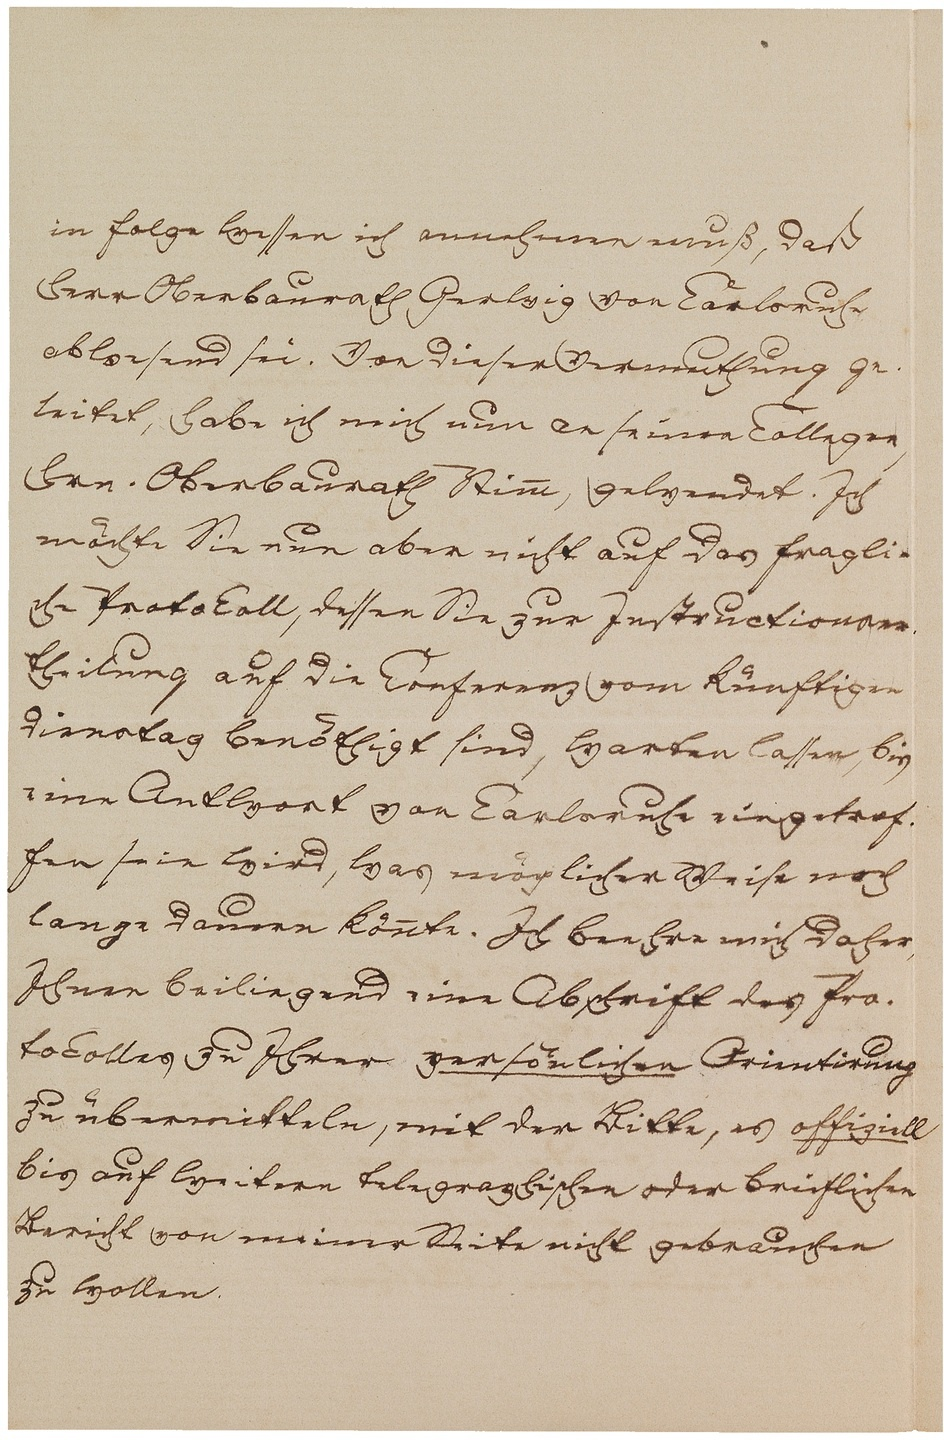in Folge wessen ich annehmen muß, daß
Herr Oberbaurath Gerwig von Carlsruhe
abwesend sei. Von dieser Vermuthung ge-
leitet, habe ich mich nun an seinen Collegen
Hrn. Oberbaurath Stimm, gewendet. Ich
möchte Sie nun aber nicht auf das fragli-
che Protokoll, dessen Sie zur Instructionser-
theilung auf die Conferenz vom künftigen
Dienstag benöthigt sind, warten lassen, bis
eine Antwort von Carlsruhe eingetrof-
fen sein wird, was möglicher Weise noch
lange dauern könnte. Ich beehre mich daher,
Ihnen beiliegend eine Abschrift des Pro-
tokolles zu Ihrer persönlichen Orientirung
zu übermitteln, mit der Bitte, es offiziell
bis auf weitern telegraphischen oder brieflichen
Bericht von meiner Seite nicht gebrauchen
zu wollen.